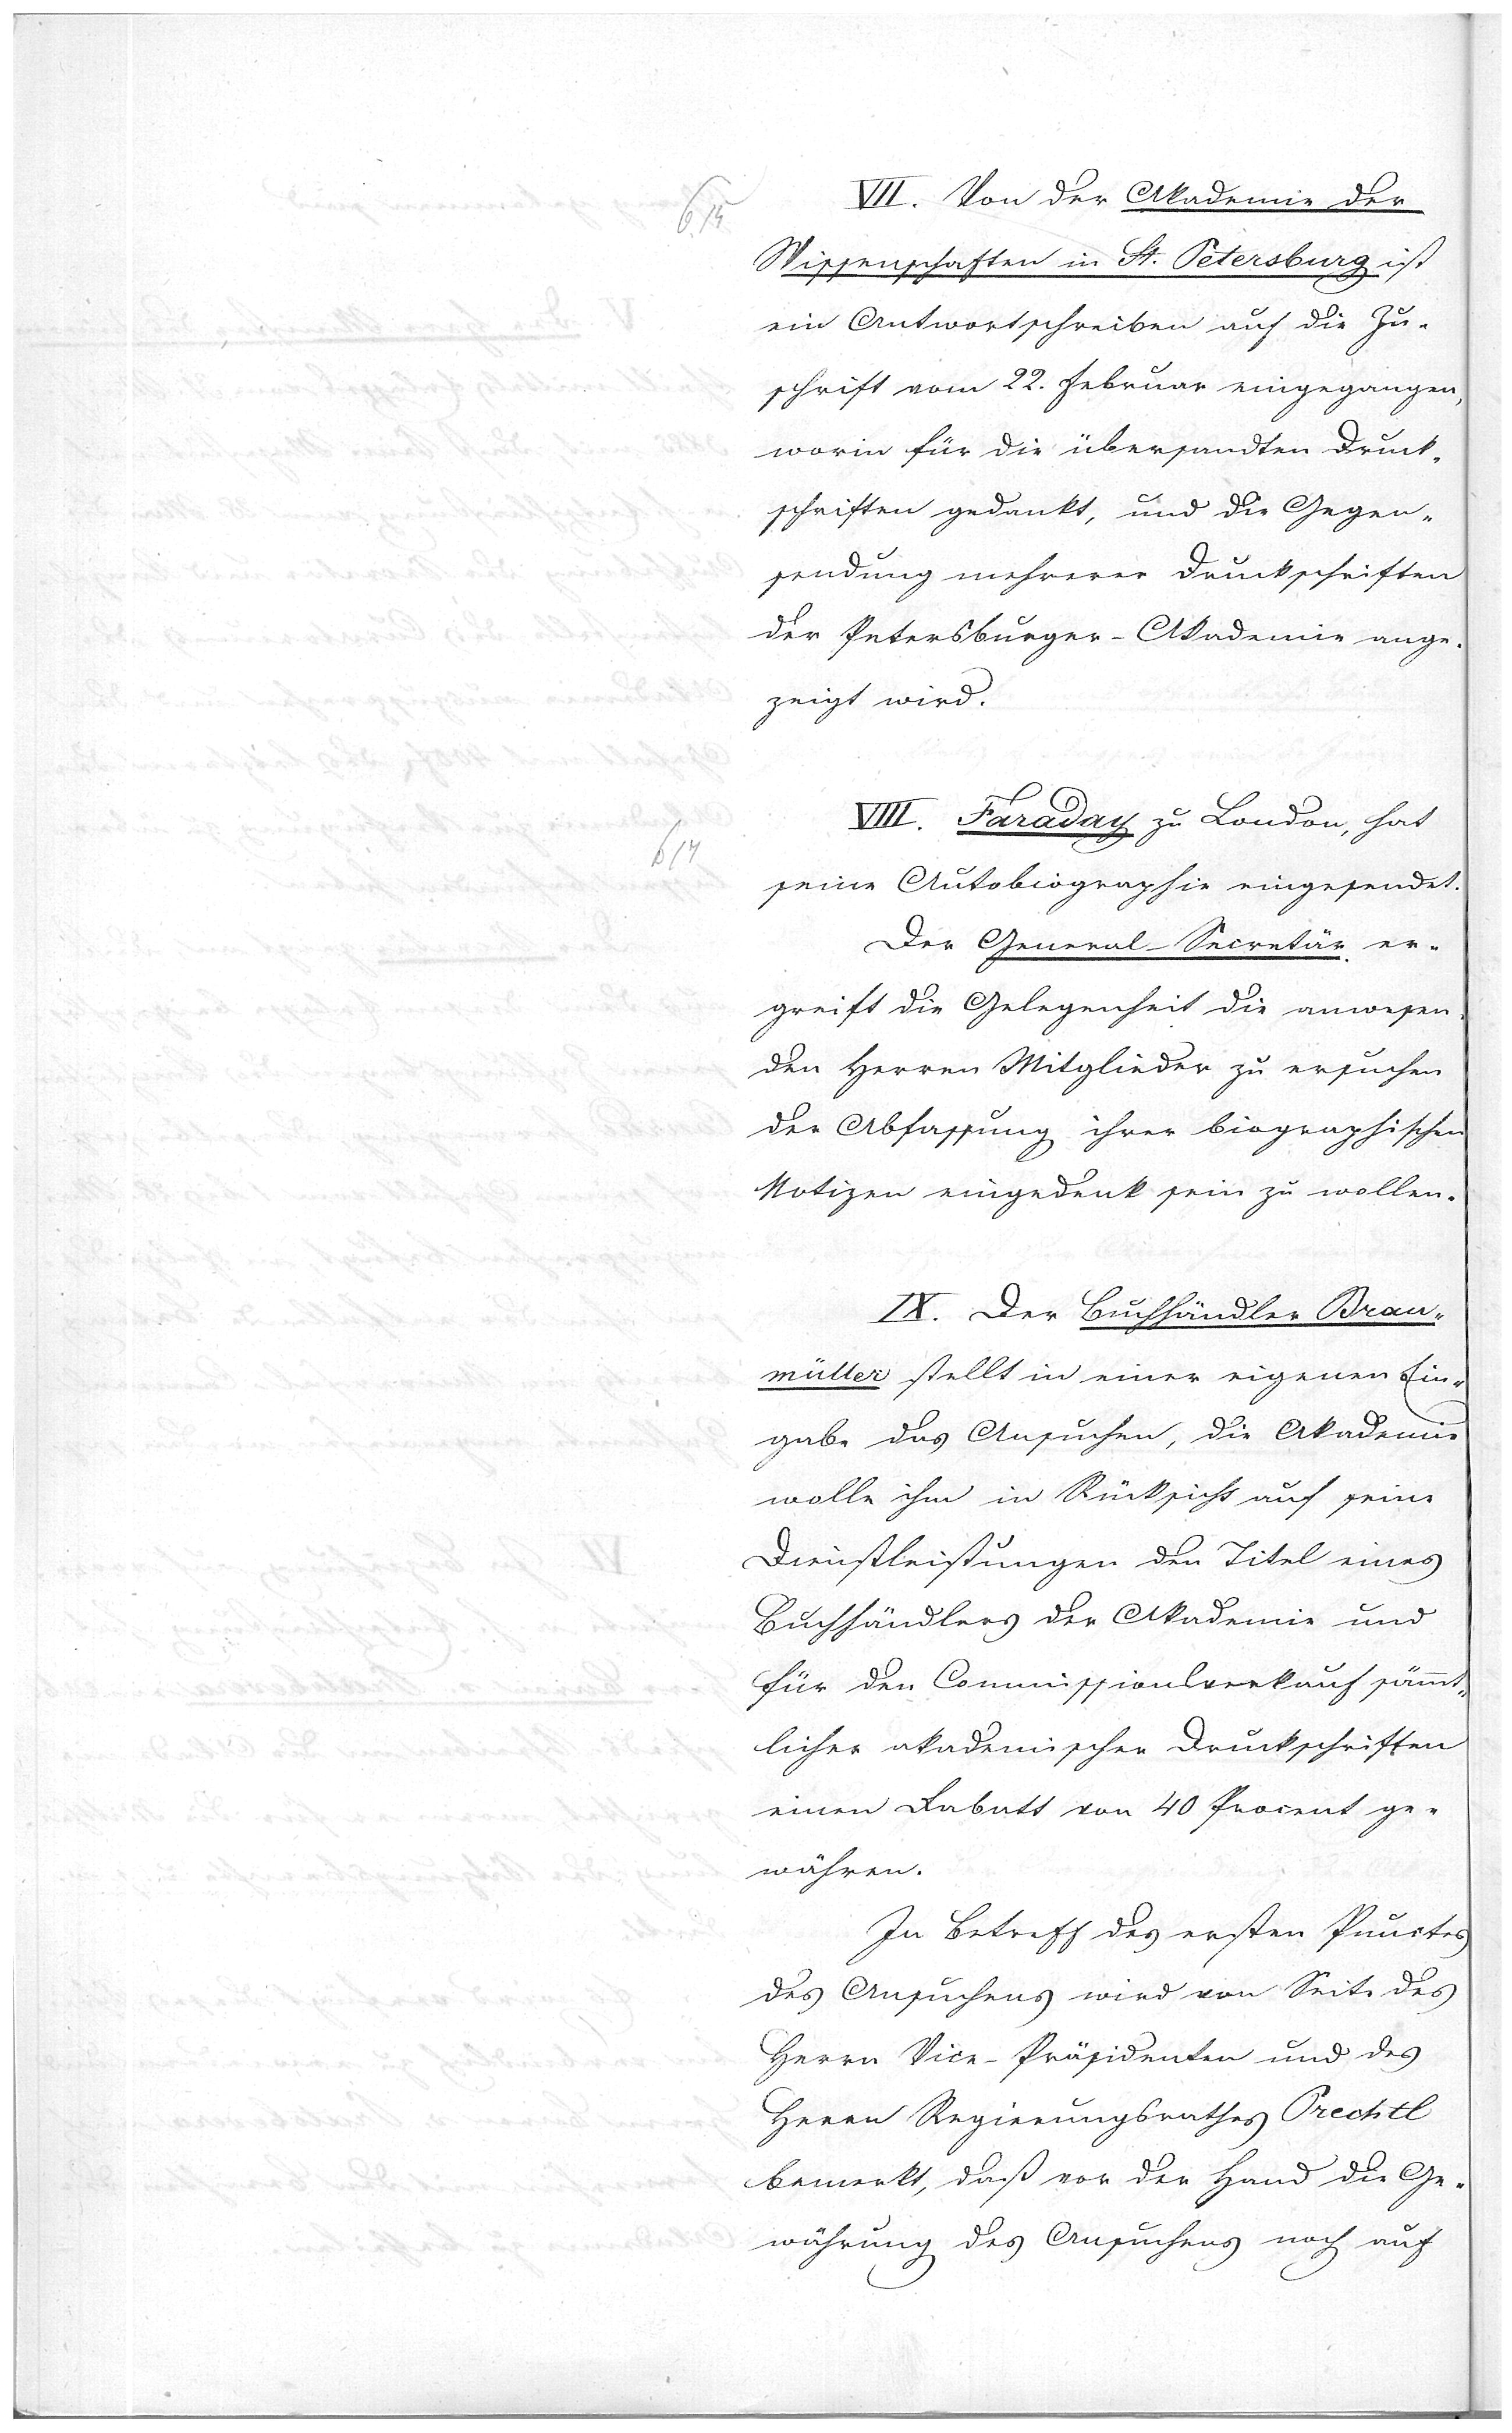VII. Von der Akademie der
Wissenschaften in St. Petersburg ist
ein Antwortschreiben auf die Zu-
schrift vom 22. Februar eingegangen,
worin für die übersandten Druck-
schriften gedankt, und die Gegen-
sendung mehrerer Druckschriften
der Petersburger Akademie ange-
zeigt wird.
VIII. Faraday zu London hat
seine Autobiographie eingesendet.
Der General-Secretär er-
greift die Gelegenheit die anwesen-
den Herren Mitglieder zu ersuchen
der Abfassung ihrer biographischen
Notizen eingedenk sein zu wollen.
IX. Der Buchhändler Brau-
müller stellt in einer eigenen Ein-
gabe das Ansuchen, die Akademie
wolle ihm in Rücksicht auf seine
Dienstleistungen den Titel eines
Buchhändlers der Akademie und
für den Commissionsverkauf sämmt-
licher akademischen Druckschriften
einen Rabatt von 40 Procent ge-
währen.
In Betreff des ersten Punctes
des Ansuchen wird von Seite des
Herrn Vice-Präsidenten und des
Herrn Regierungsrathes Prechtl
bemerkt, daß vor der Hand der Ge-
währung des Ansuchens noch auf